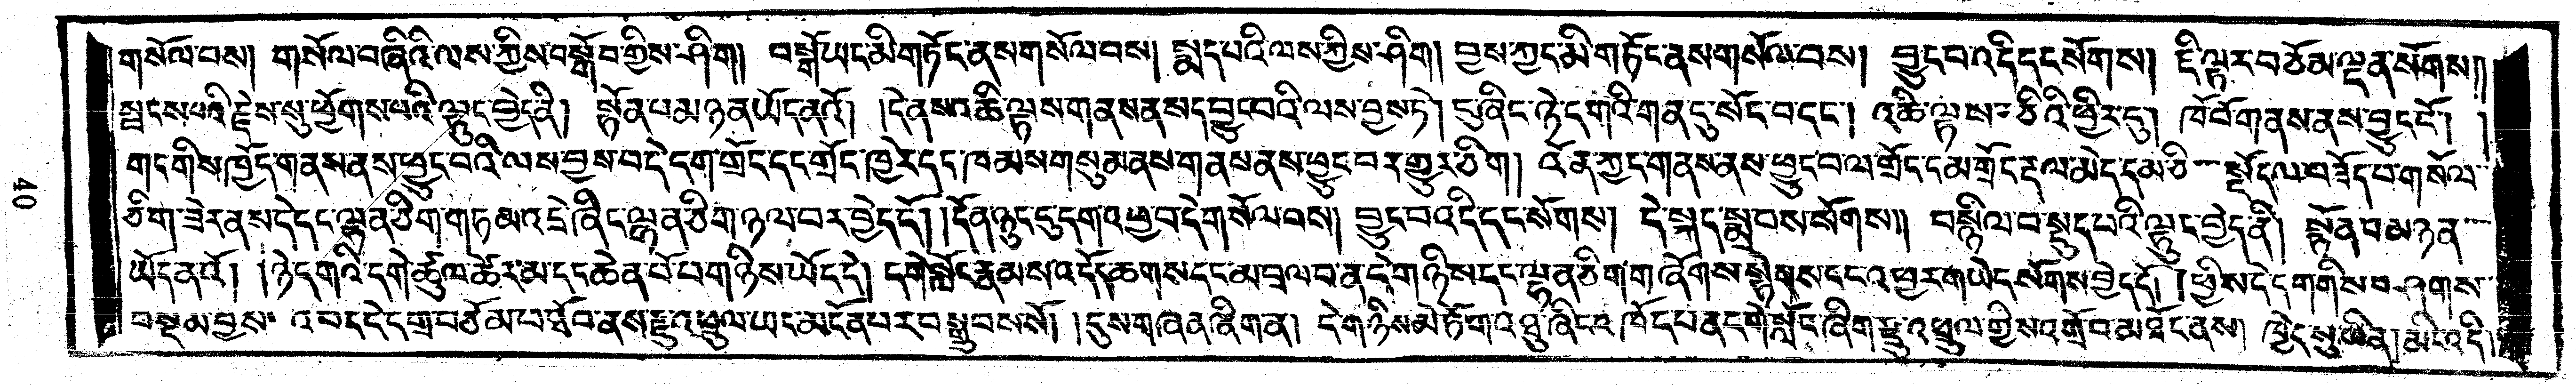གསོལ་བས། གསོལ་བཞིའི་ལས་ཀྱིས་བསྒོབ་གྱིས་ཤིག །བསྒོ་ཡང་མི་གཏོང་ནས་གསོལ་བས། སྨད་པའི་ལས་ཀྱིས་ཤིག །བྱས་ཀྱང་མི་གཏོང་ནས་གསོལ་བས། བྱུང་བ་འདི་དང་སོགས། ཇི་ལྟར་བཅོམ་ལྡན་སོགས། །
སྤངས་པའི་རྗེས་སུ་ཕྱོགས་པའི་ལྟུང་བྱེད་ནི། སྟོན་པ་མཉན་ཡོད་ནའོ། །དེ་ནས་འཆི་ལྟས་གནས་ནས་དབྱུང་བའི་ལས་བྱས་ཏེ། དུ་ཞིང་ཉེ་དགཱི་གན་དུ་སོང་བ་དང་། འཆི་ལྟས་ཅིའི་ཕྱིར་དུ། ཁོ་བོ་གནས་ནས་བྱུང་ངོ། །
གང་གིས་ཁྱོད་གནས་ནས་ཕྱུང་བའི་ལས་བྱས་བདེ་དག་གྲོང་དང་གྲོང་ཁྱེར་དང་ཁམས་གསུམ་ནས་གནས་ནས་ཕྱུང་བར་གྱུར་ཅིག །འོན་ཀྱང་གནས་ནས་ཕྱུང་བ་ལ་གྲོང་དམ་གྲོང་རྡལ་མེད་དམ་ཅི་སྡོད་ལ་བཟོད་པ་གསོལ་
ཅིག་ཟེར་ནས་དེ་དང་ལྷན་ཅིག་གཏམ་འདྲེ་ཞིང་ལྷན་ཅིག་ཉལ་བར་བྱེད་དོ། །དོན་ཉུང་དུ་དག་འཕྱ་བ་དེ་གསོལ་བས། བྱུང་བ་འདི་དང་སོགས། དེ་སྐད་སྨྲ་བས་སོགས། བསྙིལ་བ་སྡུད་པའི་ལྟུང་བྱེད་ནི། སྟོན་བ་མཉན་
ཡོད་ནའོ། །ཉེ་དགཱི་དགེ་ཚུལ་ཚེར་མ་དང་ཆེན་པོ་པ་གཉིས་ཡོད་དེ། དགེ་སློང་རྣམས་འདོད་ཆགས་དང་མ་བྲལ་བ་ན་དེ་གཉིས་དང་ལྷན་ཅིག་གཞོགས་སྟེགས་དང་འཕྱར་གཡེད་སོགས་བྱེད་དོ། །ཕྱིས་དེ་དག་གིས་བཤགས་
བསྡམ་བྱས་འབད་དེ་དགྲ་བཅོམ་པ་ཐོབ་ནས་རྫུ་འཕྲུལ་ཡང་མངོན་པར་བསྒྲུབས་སོ། །དུས་གཞན་ཞིག་ན། དེ་གཉིས་མེ་ཏོག་འཐུ་ཞིང་འཁོད་པ་ན་དགེ་སློང་ཞིག་རྫུ་འཕྲུལ་གྱིས་འགྲོ་བ་མཐོང་ནས། ཁྱེད་སུ་ཡིན། མིང་འདི།